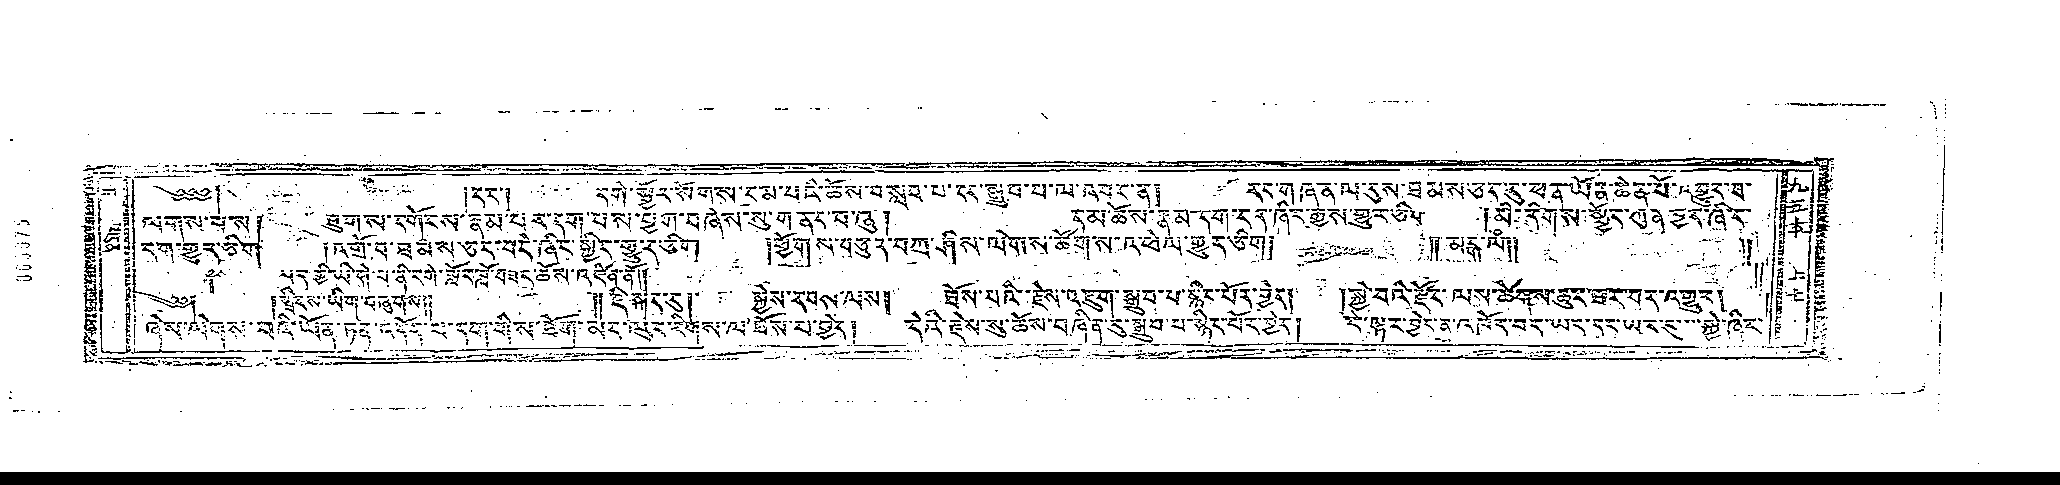༄༅། །དང་། དགེ་སྦྱོར་སོགས་དམ་པའི་ཆོས་བསླབ་པ་དང་སྒྲུབ་པ་ལ་འབད་ན། རང་གཞན་ལ་དུས་ཐམས་ཅད་དུ་ཕན་ཡོན་ཆེན་པོ་འབྱུང་པ་
ལགས་བས། ཐུགས་དགོངས་རྣམ་པར་དག་པས་ཕྱག་བཞེས་སུ་གནང་བ་ཞུ། དམ་ཆོས་རྣམ་དག་དར་ཞིང་རྒྱས་གྱུར་ཅིག །མི་རིགས་སྤྱོད་ཀུན་བྱང་ཞིང་
དག་གྱུར་ཅིག །འགྲོ་བ་ཐམས་ཅད་བདེ་ཞིང་སྐྱིད་གྱུར་ཅིག །ཕྱོགས་བཅུར་བཀྲ་ཤིས་ལེགས་ཚོགས་འཕེལ་གྱུར་ཅིག། །།མངྒ་ལཾ།། །།
༈ བར་གྱི་ཡིག་པ་ནི་དགེ་སློང་བློ་བཟང་ཆོས་འཛིན་ནོ།།
༄༅། །སྤྲིངས་ཡིག་བཞུགས།། །།ཇི་སྐད་དུ། སྐྱེས་རབས་ལས། ཐོས་པའི་རྗེས་འཇུག་སྒྲུབ་པ་སྙིང་པོར་བྱེད། །སྐྱེ་བའི་རྫོང་ལས་ཚིགས་ཆུང་ཐར་བར་འགྱུར། །
ཞེས་ལེགས་པའི་ཡོན་ཏན་འདོད་པ་དག་གིས་ཐོག་མར་ལུང་རིགས་ལ་བྲོས་པ་བྱེད། དེའི་རྗེས་སུ་ཆོས་བཞིན་དུ་སྒྲུབ་པ་སྙིང་པོར་བྱེད། དེ་ལྟར་བྱེད་ན་འཁོར་བར་ཡང་དང་ཡང་དུ་སྐྱེ་ཞིང་